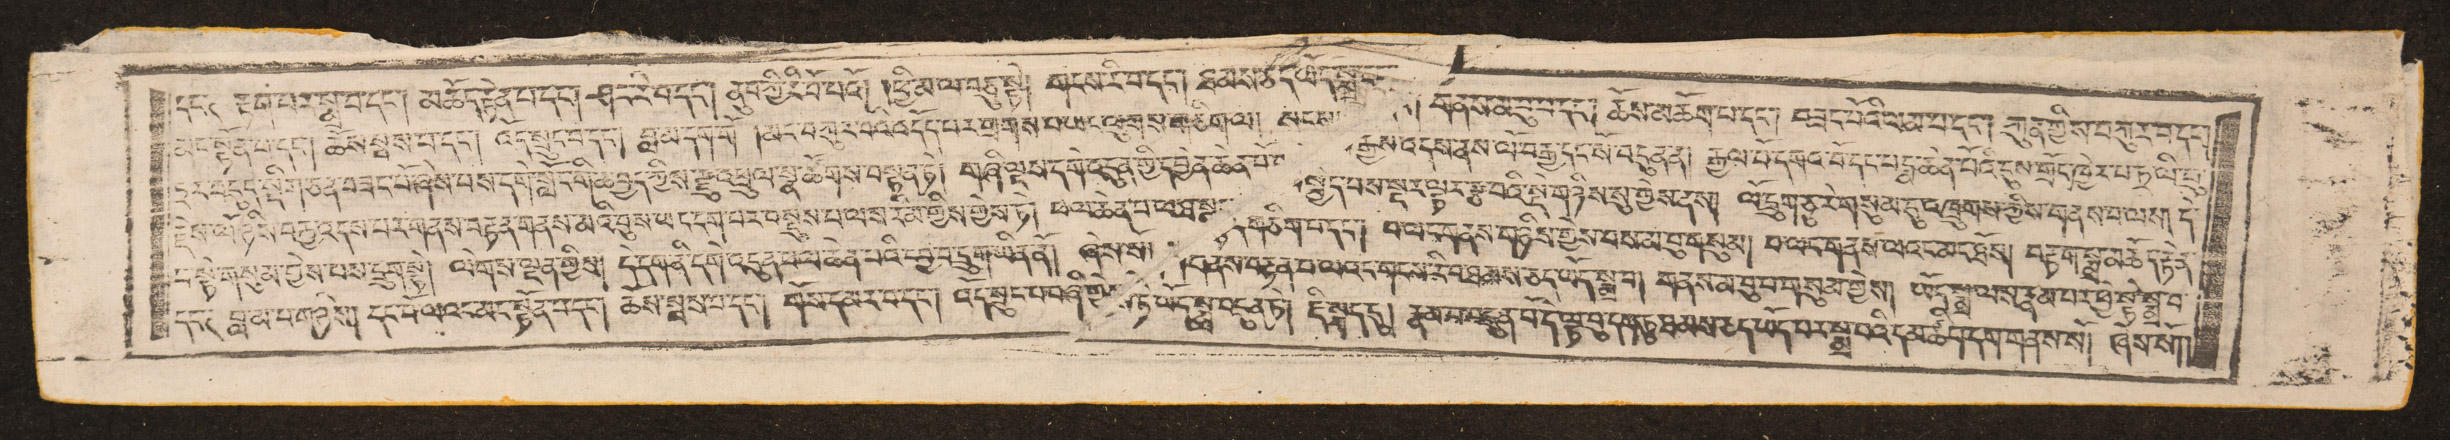དང༑ རྟག་པར་སྨྲ་བ་དང་། མཆོད་རྟེན་པ་དང་། ཤར་རི་བ་དང་། ནུབ་ཀྱི་རི་བོ་པའོ། །ཕྱི་མ་ལ་བཅུ་སྟེ། གངས་རི་བ་དང་། ཐམས་ཅད་ཡོད་སྨྲ་དང་། གནས་མ་བུ་པ་དང་། ཆོས་མཆོག་པ་དང་། བཟང་པོའི་ལམ་པ་དང་། ཀུན་གྱིས་བཀུར་བ་དང་།
མང་སྟོན་པ་དང་། ཆོས་སྦས་པ་དང་། འོད་སྲུང་བ་དང་། བླ་མ་དག་གོ །མང་བཀུར་བའི་འདོད་པར་གྲགས་པ་ཡང་ལུགས་གཅིག་ལ། སངས་རྒྱས་འདས་ནས་ལོ་བརྒྱ་དང་སོ་བདུན་ན། རྒྱལ་པོ་དགའ་བོ་དང་པདམ་ཆེན་པོའི་དུས་གྲོང་ཁྱེར་པ་ཏྲ་ལི་པུ་
ཏྲར་བདུད་སྡིག་ཅན་བཟང་པོ་ཞེས་པས་དགེ་སློང་གི་ཆ་བྱད་ཀྱིས་རྫུ་འཕྲུལ་སྣ་ཚོགས་བསྟན་ཏེ། གཞི་ལྔས་དགེ་འདུན་གྱི་དབྱེ་ན་ཆེན་པོ་བསྐྱེད་པས་སྔར་ལྟར་རྩ་བའི་སྡེ་གཉིས་སུ་གྱེས་ནས། ལོ་དྲུག་ཅུ་རེ་གསུམ་དུ་འཁྲུགས་ཀྱིས་གནས་པ་ལས། དེ་
རྗེས་ལོ་ཉིས་བརྒྱ་འདས་པར་གནས་བརྟན་གནས་མའི་བུས་ཡང་དག་པར་བསྡུས་པ་ལས་རིམ་གྱིས་གྱེས་ཏེ། ཕལ་ཆེན་པ་ལ་ཐ་སྙད་གཅིག་པ་དང་། བ་ལང་གནས་གཉིས་གྱེས་པས་མ་བུ་གསུམ། བ་ལང་གནས་ལའང་མང་ཐོས། བརྟག་སྨྲ་མཆོད་རྟེན་
པ་སྟེ་གསུམ་བྱེས་པས་དྲུག་སྟེ། ལེགས་ལྡན་གྱིས། དེ་དག་ནི་དགེ་འདུན་ཕལ་ཆེན་པའི་དབྱེ་བ་དྲུག་ཡིན་ནོ། ཞེས་སོ། །གནས་བརྟན་པ་ལའང་གངས་རི་བ་ཐམས་ཅད་ཡོད་སྨྲ་བ། གནས་མ་བུ་པ་གསུམ་གྱིས། ཡོད་སྨྲ་ལས་རྣམ་པར་ཕྱེ་སྟེ་སྨྲ་བ་
དང༑ བླ་མ་པ་གཉིས། དང་པོ་ལའང་མང་སྟོན་པ་དང་། ཆོས་སྦས་པ་དང་། གོས་དམར་བ་དང་། འོད་སྲུང་པ་བཞི་གྱེས་ཏེ་ཡོད་སྨྲ་བདུན་ཏེ། ཇི་སྐད་དུ། རྣམ་པ་བདུན་པོ་དེ་ལྟ་བུ་དག་ཏུ་ཐམས་ཅད་ཡོད་པར་སྨྲ་བའི་དམ་ཚིག་དག་གནས་སོ། ཞེས་སོ།།